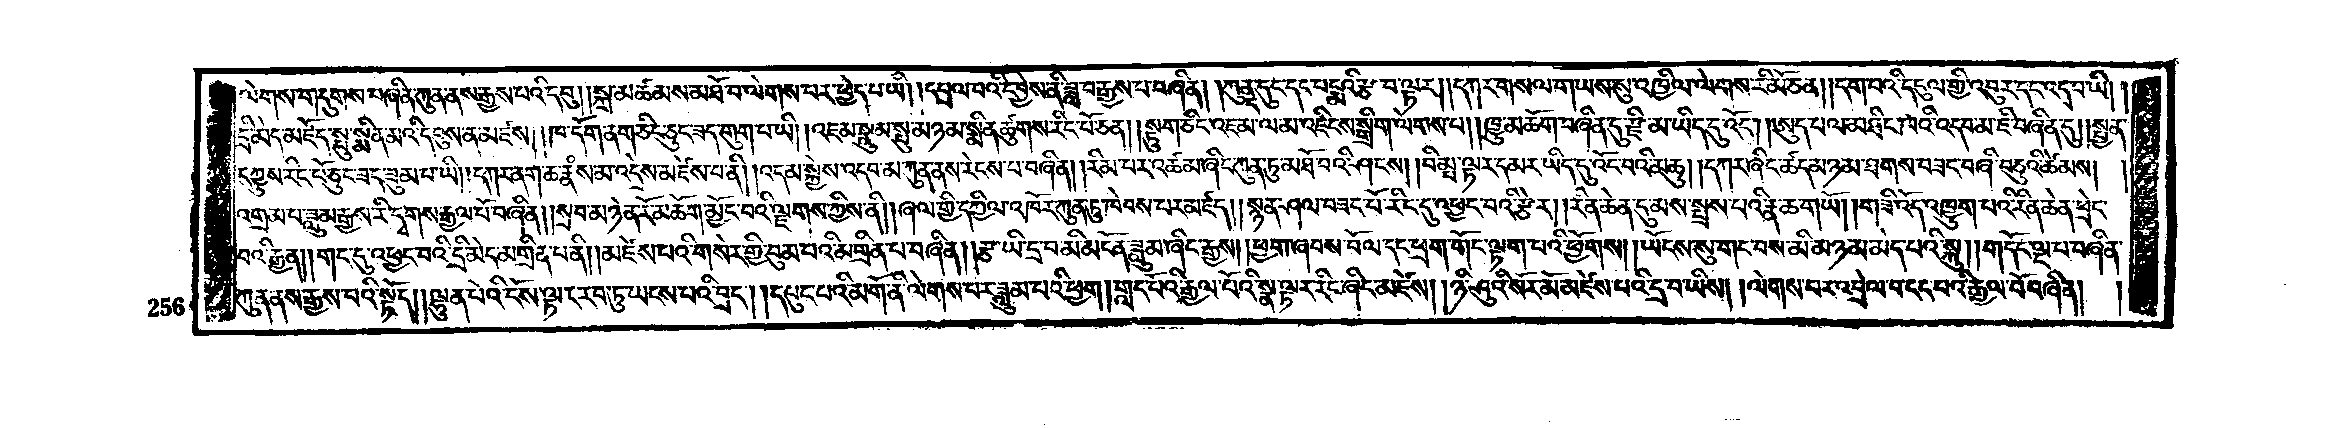ལེགས་གདུགས་བཞིན་ཀུན་ནས་རྒྱས་པའི་དབུ། །སྐྲ་མཚམས་མཐོ་བ་ལེགས་པར་ཕྱེད་པ་ཡི། །དཔྲལ་བའི་དབྱེས་ནི་ཟླ་བ་རྒྱས་པ་བཞིན། །ཀུན་ད་དུང་དང་པདམའི་རྩ་བ་ལྟར། །དཀར་གསལ་གཡས་སུ་འཁྱིལ་ལེགས་རི་མོ་ཅན། །དག་པའི་དངུལ་གྱི་འབུར་དང་འདྲ་བ་ཡི། །
དྲི་མེད་མཛོད་སྤུ་སྨིན་མའི་དབུས་ན་མཛེས། །ཁ་དོག་ནག་ཅིང་ཅུང་ཟད་གུག་པ་ཡི། །འཇམ་སྣུམ་སྤུ་མཉམ་སྨིན་ཚུགས་རིང་པོ་ཅན། །སྟུག་ཅིང་འཇམ་ལ་མ་འཛིངས་སྒྲིག་ལེགས་པ། །ཁྱུ་མཆོག་བཞིན་དུ་རྫི་མ་ཡིད་དུ་འོང་། །ཨུད་པལ་མཐིང་ཁའི་འདབ་མ་ཇི་བཞིན་དུ། །སྤྱན་
དཀྱུས་རིང་པོ་ཅུང་ཟད་ཟུམ་པ་ཡི། །དཀར་ནག་ཆ་རྣམས་མ་འདྲེས་མཛེས་པ་ནི། །འདམ་སྐྱེས་འདབ་མ་ཀུན་ནས་རེངས་པ་བཞིན། །རིམ་པར་འཚམ་ཞིང་ཀུན་ཏུ་མཐོ་བའི་ཤངས། །བིམྤ་ལྟར་དམར་ཡིད་དུ་འོང་བའི་མཆུ། །དཀར་ཞིང་ཚད་མཉམ་ཐགས་བཟང་བཞི་བཅུའི་ཚེམས། །
འགྲམ་པ་ཟླུམ་རྒྱས་རི་དྲགས་རྒྱལ་པོ་བཞིན། །སྲབ་མཉེན་རོ་མཆོག་མྱོང་བའི་ལྗགས་ཀྱིས་ནི། །ཞལ་གྱི་དཀྱིལ་འཁོར་ཀུན་ཏུ་ཁེབས་པར་མཛད། །སྙན་ཤལ་བཟང་པོ་རིང་དུ་འཕྱང་བའི་རྩེར། །རིན་ཆེན་དུ་མས་སྤྲས་པའི་རྣ་ཆ་གཡོ། །གཟི་འོད་འཁྱུག་པའི་རིན་ཆེན་ཕྲེང་
བའི་རྒྱན། །གང་དུ་འཕྱང་བའི་དྲི་མེད་མགྲིན་པ་ནི། །མཛེས་པའི་གསེར་གྱི་བུམ་པའི་མགྲིན་པ་བཞིན། །རྩ་ཡི་དྲ་བ་མི་མངོན་ཟླུམ་ཞིང་རྒྱས། །ཕྱག་ཞབས་བོལ་དང་ཕྲག་གོང་ལྟག་པའི་ཕྱོགས། །ཡོངས་སུ་གང་བས་མི་མཉམ་མེད་པའི་སྐུ། །གདོང་ལྔ་པ་བཞིན་
ཀུན་ནས་རྒྱས་པའི་སྟོད། །ལྷུན་པོའི་ངོས་ལྟར་རབ་ཏུ་ཡངས་པའི་བྲང་། །དཔུང་པའི་མགོ་ནི་ལེགས་པར་ཟླུམ་པའི་ཕྱག །གླང་པོའི་རྒྱལ་པོའི་སྣ་ལྟར་རིང་ཞིང་མཛེས། །ཉི་ཤུའི་སོར་མོ་མཛེས་པའི་དྲ་བ་ཡིས། །ལེགས་པར་འབྲེལ་བ་ངང་པའི་རྒྱལ་པོ་བཞིན། །